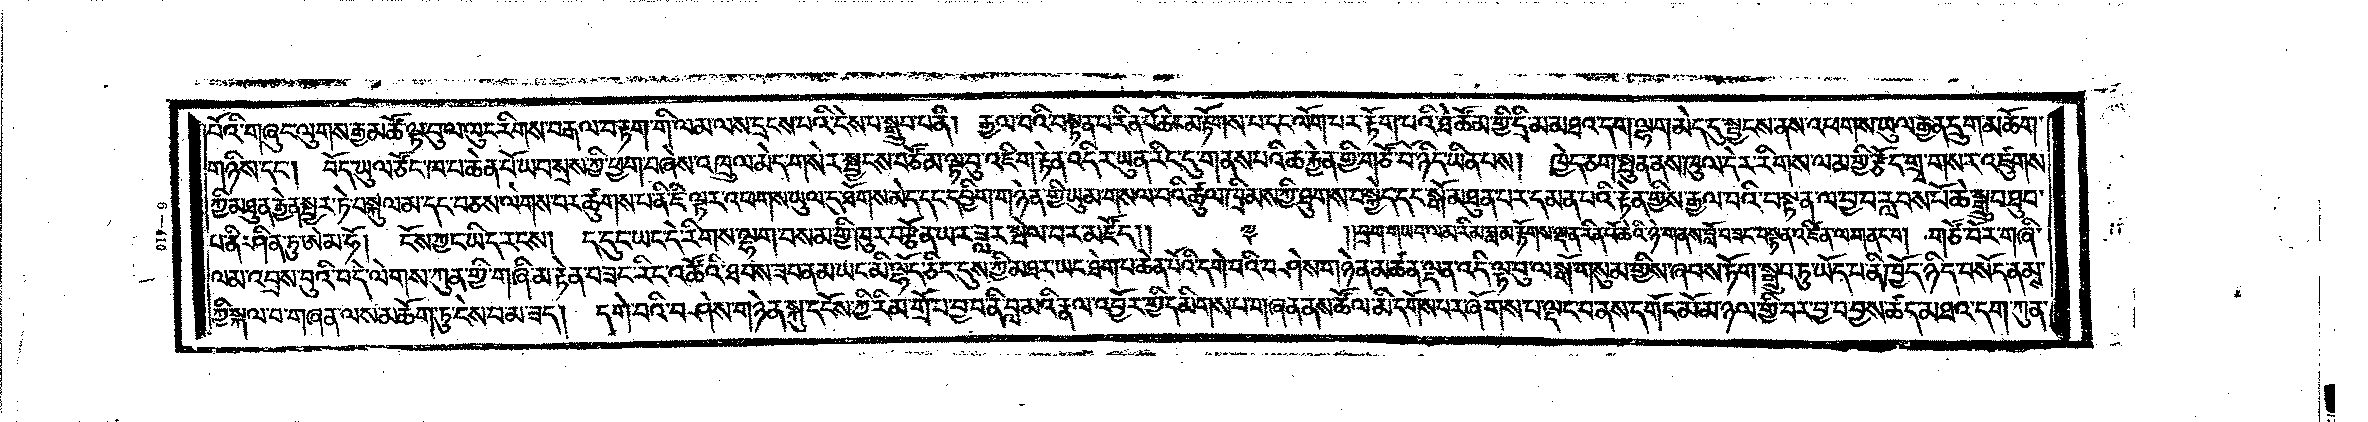བོའི་གཞུང་ལུགས་རྒྱ་མཚོ་ལྟ་བུལ་ལུང་རིགས་བརྒལ་རྟག་གི་ལམ་ལས་དྲངས་པའི་ངེས་པ་སྒྲུབ་པ་ནི། རྒྱལ་བའི་བསྟན་པ་རིན་པོ་ཆེང་མ་རྟོགས་པ་དང་ལོག་པར་རྟོགས་པའི་ཐེ་ཚོམ་གྱི་དྲི་མ་མཐའ་དག་ལྷག་མེད་དུ་སྦྱངས་ནས་འཕགས་ཡུལ་རྒྱན་དྲུག་མཆོག་
གཉིས་དང་། བོད་ཡུལ་རྩོང་ལ་པ་ཆེན་པོ་ཡབ་སྲས་ཀྱི་ཕྱག་བཞེས་འཁྲུལ་མེད་གསེར་སྦྱངས་བཙོམ་ལྟ་བུ་འཇིག་རྟེན་འདིར་ཡུན་རིང་དུ་གནས་པའི་ཆ་རྐྱེན་གྱི་གཙོ་བོ་ཉིད་ཡིན་པས། ཁྱེད་ཅག་སྤུན་ནས་ཁྲུལ་དེར་རིགས་ལམ་གྱི་རྩོད་གྲྭ་གསར་འཛུགས་
ཀྱི་མཐུན་རྐྱེན་སྦྱར་ཏེ་བསྐུལ་ལམ་དང་བཅས་ལེགས་པར་ཚུགས་པ་ནི་ཇི་ལྟར་འཕགས་ཡུལ་དུ་ཐོགས་མེད་དང་དབྱིག་གཉེན་གྱི་ཡུམ་གསལ་བའི་ཚུལ་ཁྲིམས་ཀྱི་ཐུགས་བསྐྱེད་དང་སྒོ་མཐུན་པར་དམན་པའི་རྟེན་གྱིས་རྒྱལ་བའི་བསྟན་ལ་བྱ་བ་རླབས་པོ་ཆེ་སྒྲུབ་ཐུབ་
པ་ནི་ཤིན་ཏུ་ཨེམ་ཧོ། ངོས་ཀྱང་ཡིད་རངས། ད་དུང་ཡང་དེ་རིགས་ལྷག་བསམ་གྱི་ཁུར་བརྩོན་ཡར་ཟླར་སྦེལ་བར་མཛོད།། ༈ །།བྲག་གཡབ་ལམ་རིམ་བླ་མ་རྟོགས་ལྡན་རིན་པོ་ཆེའི་ཉེ་གནས་བློ་བཟང་བསྟན་འཛིན་ཡ་གནང་བ།  གཙོ་བོར་གཞི་
ལམ་འབྲས་བུའི་བདེ་ལེགས་ཀུན་གྱི་གཞི་མ་རྟེན་བཟང་རིང་འཚོའི་ཐབས་ཟབ་ནམ་ཡང་མི་ལྷོད་ཅིང་དུས་ཀྱི་མཐར་ཡང་ཐེག་པ་ཆེན་པོའི་དགེ་བའི་བཤེས་གཉེན་མཚན་ལྡན་འདི་ལྟ་བུ་ལ་སྒོ་གསུམ་གྱི་ཞབས་ཏོག་སྒྲུབ་ཏུ་ཡོད་པ་ནི་ཁྱོད་ཉིད་བསོད་ནམས་
ཀྱི་སྐལ་བ་གཞན་ལས་མཆོག་ཏུ་ངེས་པ་མ་ཟད། དགེ་བའི་བཤེས་གཉེན་སྐུ་དངོས་ཀྱི་རིམ་གྲོ་བ་བྱ་བ་ནི་བླ་མའི་རྣལ་འབྱོར་གྱི་དམིགས་པ་གཞན་ནས་ཚོལ་མི་དོགས་པར་ཞོགས་པ་ལྡང་བ་ནས་དགོང་མོ་མཉལ་གྱི་བར་བྱ་བ་བྱས་ཚད་མཐའ་དག་ཀུ་